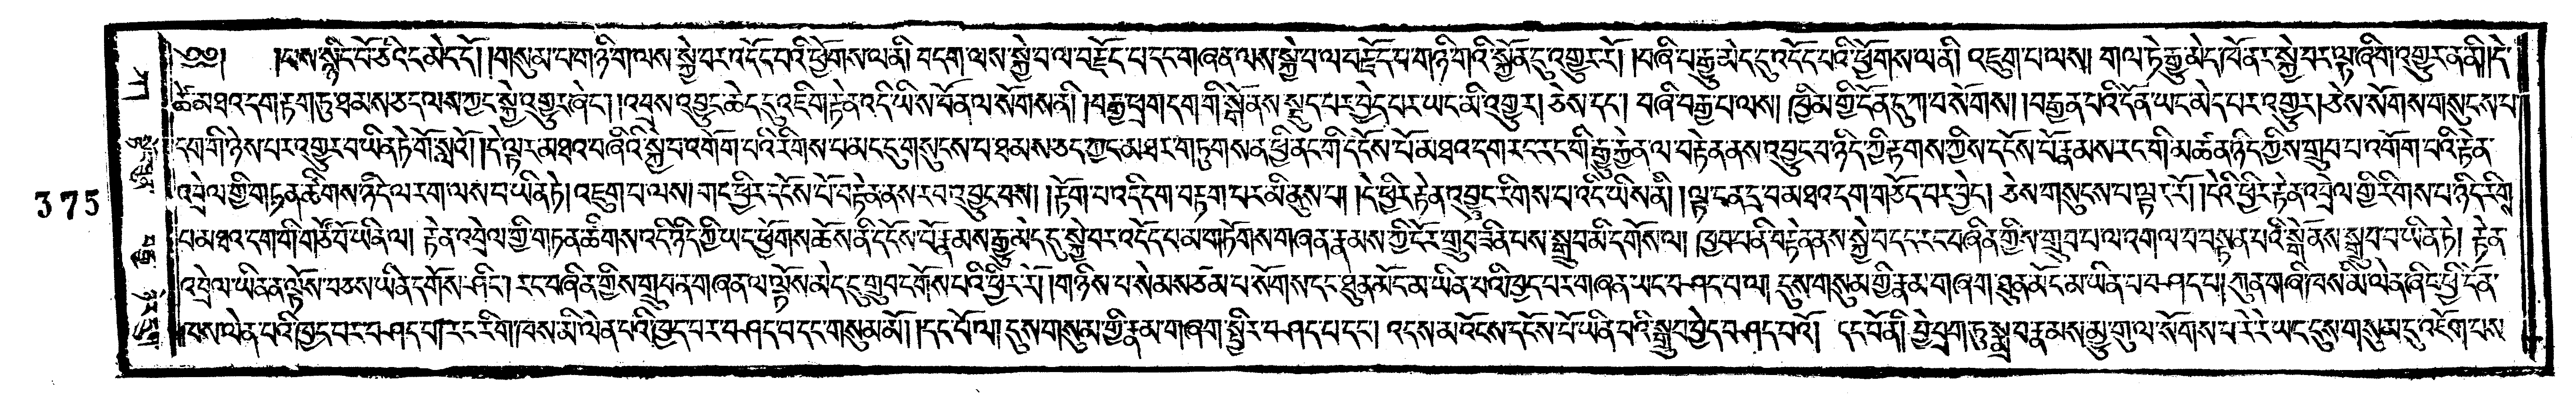༄༅། །པས་སྙིང་བོ་ཅིའང་མེད་དོ། །གསུམ་པ་གཉི་ག་ལས་སྐྱེ་བར་འདོད་པའི་ཕྱོགས་ལ་ནི། བདག་ལས་སྐྱེ་བ་ལ་བརྗོད་པ་དང་གཞན་ལས་སྐྱེ་བ་ལ་བརྗོད་པ་གཉི་གའི་སྐྱོན་དུ་འགྱུར་རོ། །བཞི་པ་རྒྱུ་མེད་དུ་འདོད་པའི་ཕྱོགས་ལ་ནི། འཇུག་པ་ལས། གལ་ཏེ་རྒྱུ་མེད་ཁོ་ནར་སྐྱེ་བར་ལྟ་ཞིག་འགྱུར་ན་ནི། །དེ་
ཚེ་མཐའ་དག་རྟག་ཏུ་ཐམས་ཅད་ལས་ཀྱང་སྐྱེ་འགྱུར་ཞེང་། །འབྲས་འབྱུང་ཆེད་དུ་འཇིག་རྟེན་འདི་ཡི་ས་བོན་ལ་སོགས་ནི། །བརྒྱ་ཕྲག་དག་གི་སྒོ་ནས་སྡུད་པར་བྱེད་པར་ཡང་མི་འགྱུར། ཅེས་དང་། བཞི་བརྒྱ་པ་ལས། ཁྱིམ་གྱི་ངོན་དུ་ཀ་བ་སོགས། །བརྒྱན་པའི་དོན་ཡང་མེད་པར་འགྱུར། ཅེས་སོགས་གསུངས་པ་
དག་གི་ཉེས་པར་འགྱུར་བ་ཡིན་ཏེ་གོ་སླའོ། །དེ་ལྟར་མཐའ་བཞིའི་སྐྱེ་བ་འགོག་པའི་རིགས་པ་མང་དུ་གསུངས་པ་ཐམས་ཅད་ཀྱང་མཐར་གཏུགས་ན་ཕྱི་ནང་གི་དངོས་པོ་མཐའ་དག་རང་རང་གི་རྒྱུ་རྐྱེན་ལ་བརྟེན་ནས་འབྱུང་བ་ཉིད་ཀྱི་རྟགས་ཀྱིས་དངོས་པོ་རྣམས་རང་གི་མཚན་ཉིད་ཀྱིས་གྲུབ་པ་འགོག་པའི་རྟེན་
འབྲེལ་གྱི་གཏན་ཚིགས་ཉིད་ལ་རག་ལས་བ་ཡིན་ཏེ། འཇུག་བ་ལས། གང་ཕྱིར་དངོས་པོ་བརྟེན་ནས་རབ་འབྱུང་བས། །རྟོག་པ་འདི་དག་བརྟག་པར་མི་ནུས་པ། །དེ་ཕྱིར་རྟེན་འབྱུང་རིགས་པ་འདི་ཡིས་ནི། །ལྟ་ངན་དྲ་བ་མཐའ་དག་གཅོད་པར་བྱེད། ཅེས་གསུངས་པ་ལྟར་རོ། །དེའི་ཕྱིར་རྟེན་འབྲེལ་གྱི་རིགས་པ་ཉིད་རིགས་
བ་མཐའ་དག་གི་གཙོ་བོ་ཡིན་ལ། རྟེན་འབྲེལ་གྱི་གཏན་ཚིགས་འདི་ཉིད་ཀྱི་ཡང་ཕྱོགས་ཆོས་ནི་དངོས་བོ་རྣམས་རྒྱུ་མེད་དུ་སྐྱེ་བར་འདོད་པ་མ་གཏོགས་གཞན་རྣམས་ཀྱི་ངོར་གྲུབ་ཟིན་པས་སྒྲུབ་མི་དགོས་ལ། ཁྱབ་པ་ནི་བརྟེན་ནས་སྐྱེ་བ་དང་རང་བཞིན་གྱིས་གྲུབ་པ་ལ་འགལ་བ་བསྟན་པའི་སྒོ་ནས་སྒྲུབ་པ་ཡིན་ཏེ། རྟེན་
འབྲེལ་ཡིན་ན་ལྟོས་བཅས་ཡིན་དགོས་ཤིང་། རང་བཞིན་གྱིས་གྲུབ་ན་གཞན་ལ་ལྟོས་མེད་དུ་གྲུབ་དགོས་པའི་ཕྱིར་རོ། །གཉིས་པ་སེམས་ཙམ་པ་སོགས་དང་ཐུན་མོང་མ་ཡིན་པའི་ཁྱད་པར་གཞན་ཡང་བཤད་པ་ལ། དུས་གསུམ་གྱི་རྣམ་གཞག་ཐུན་མོང་མ་ཡིན་པ་བཤད་པ། ཀུན་གཞི་ཁས་མི་ལེན་ཞིང་ཕྱི་དོན་
ཁས་ལེན་པའི་ཁྱད་པར་བཤད་པ། རང་རིག་ཁས་མི་ལེན་པའི་ཁྱད་པར་བཤད་བ་དང་གསུམ་མོ། །དང་པོ་ལ། དུས་གསུམ་གྱི་རྣམ་གཞག་སྤྱིར་བཤད་པ་དང་། འདས་མ་འོངས་དངོས་པོ་ཡིན་པའི་སྒྲུབ་བྱེད་བཤད་བའོ། །དང་པོ་ནི། བྱེ་བྲག་ཏུ་སྨྲ་བ་རྣམས་མྱུ་གུ་ལ་སོགས་པ་རེ་རེ་ཡང་དུས་གསུམ་དུ་འཇོག་པས་